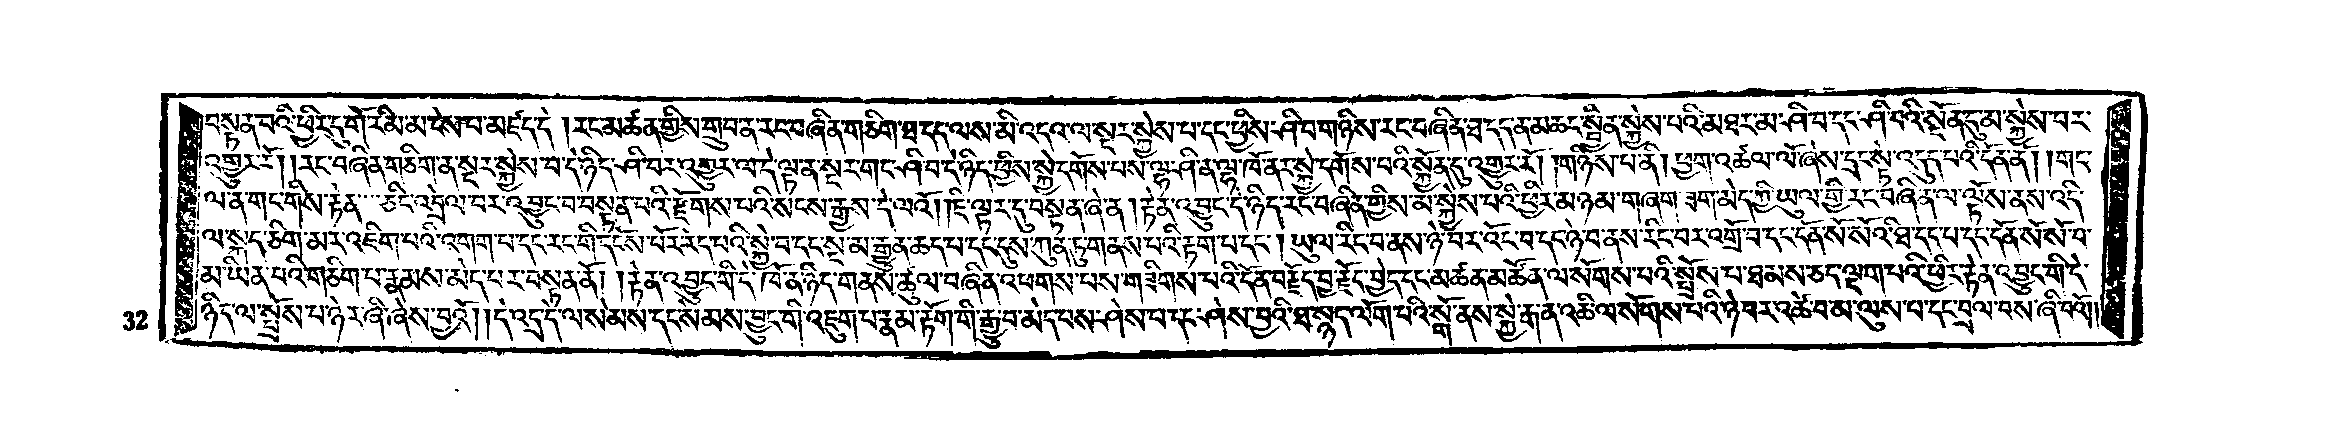བསྟན་པའི་ཕྱིར་དུ་གོ་རིམ་མ་ངེས་པ་མཇད་དེ། རང་མཚན་གྱིས་གྲུབ་ན་རང་བཞིན་གཅིག་ཐ་དད་ལས་མི་འདའ་ལ་སྔར་སྐྱེས་པ་དང་ཕྱིས་ཤི་བ་གཉིས་རང་བཞིན་ཐ་དད་ན་མཆད་སྦྱིན་སྐྱེས་པའི་མཐར་མ་ཤི་བ་དང་ཤི་བའི་སྔོན་དུ་མ་སྐྱེས་པར་
འགྱུར་རོ། །རང་བཞིན་གཅིག་ན་སྔར་སྐྱེས་བ་དེ་ཉིད་ཤི་བར་འགྱུར་ལ་དེ་ལྟ་ན་སྔར་གང་ཤི་བ་དེ་ཉིད་ཕྱིས་སྐྱེ་དགོས་པས་ལྷ་ཤི་ན་ལྷ་ཁོ་ནར་སྐྱེ་དགོས་པའི་སྐྱོན་དུ་འགྱུར་རོ། །གཉིས་པ་ནི། ཕྱག་འཚལ་ལོ་ཞེས་དྲང་སྟེ་འདུད་པའི་དོན་ནོ། །གང་
ལ་ན་གང་གིས་རྟེན་ཅིང་འབྲེལ་པར་འབྱུང་བ་བསྟན་པའི་རྫོགས་པའི་སངས་རྒྱས་དེ་ལའོ། །ཇི་ལྟར་དུ་བསྟན་ཞེ་ན། །རྟེན་འབྱུང་དེ་ཉིད་རང་བཞིན་གྱིས་མ་སྐྱེས་པའི་ཕྱིར་མཉམ་གཞག་ཟག་མེད་ཀྱི་ཡུལ་གྱི་རང་བཞིན་ལ་ལྟོས་ནས་འདི་
ལ་སྐད་ཅིག་མར་འཇིག་པའི་འགག་པ་དང་རང་གི་དངོས་པོར་རེད་པའི་སྐྱེ་བ་དང་སྔ་མ་རྒྱུན་ཆད་པ་དང་དུས་ཀུན་ཏུ་གནས་པའི་རྟག་པ་དང་། ཡུལ་རིང་བ་ནས་ཉེ་བར་འོང་བ་དང་ཉེ་བ་ནས་རིང་བར་འགྲོ་བ་དང་དོན་སོ་སོའི་ཐ་དད་པ་དང་དོན་སོ་སོ་བ་
མ་ཡིན་པའི་གཅིག་པ་རྣམས་མེད་པར་བསྟན་ནོ། །རྟེན་འབྱུང་གི་དེ་ཁོ་ན་ཉིད་གནས་ཚུལ་བཞིན་འཕགས་པས་གཟིགས་པའི་དོན་བརྗོད་བྱ་རྗོད་བྱེད་དང་མཚན་མཚོན་ལ་སོགས་པའི་སྤྲོས་པ་ཐམས་ཅད་ལྡོག་པའི་ཕྱིར་རྟེན་འབྱུང་གི་དེ་
ཉིད་ལ་སྤྲོས་པ་ཉེར་ཞི་ཞེས་བྱའོ། །དེ་འདྲ་དེ་ལ་སེམས་དང་སེམས་བྱུང་གི་འཇུག་པ་རྣམ་རྟོག་གི་རྒྱུ་བ་མེད་པས་ཤེས་པ་དང་ཤེས་བྱའི་ཐ་སྙད་ལོག་པའི་སྒོ་ནས་སྐྱེ་རྒ་ན་འཆི་ལ་སོགས་པའི་ཉེ་བར་འཚེ་བ་མ་ལུས་པ་དང་བྲལ་བས་ཞི་བའོ།།